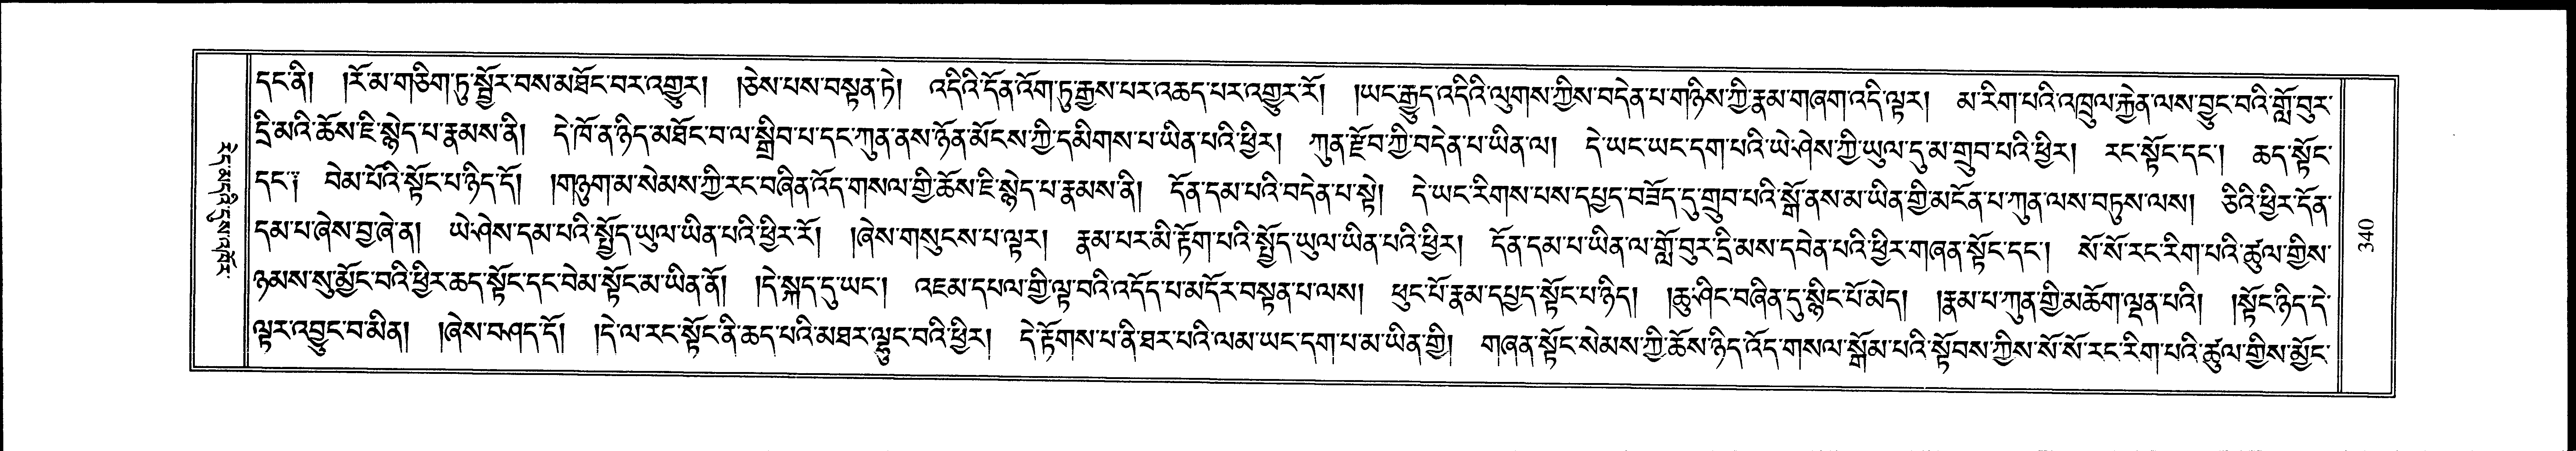དང་ནི། རོ་མ་གཅིག་ཏུ་སྦྱོར་བས་མཐོང་བར་འགྱུར། །ཅེས་པས་བསྟན་ཏེ། འདིའི་དོན་འོག་ཏུ་རྒྱས་པར་འཆད་པར་འགྱུར་རོ། །ཡང་རྒྱུད་འདིའི་ལུགས་ཀྱིས་བདེན་པ་གཉིས་ཀྱི་རྣམ་གཞག་འདི་ལྟར། མ་རིག་པའི་འཁྲུལ་རྐྱེན་ལས་བྱུང་བའི་གློ་བུར་
དྲི་མའི་ཆོས་ཇི་སྙེད་པ་རྣམས་ནི། དེ་ཁོ་ན་ཉིད་མཐོང་བ་ལ་སྒྲིབ་པ་དང་ཀུན་ནས་ཉོན་མོངས་ཀྱི་དམིགས་པ་ཡིན་པའི་ཕྱིར། ཀུན་རྫོབ་ཀྱི་བདེན་པ་ཡིན་ལ། དེ་ཡང་ཡང་དག་པའི་ཡེ་ཤེས་ཀྱི་ཡུལ་དུ་མ་གྲུབ་པའི་ཕྱིར། རང་སྟོང་དང་། ཆད་སྟོང་
དང་། བེམ་པོའི་སྟོང་པ་ཉིད་དོ། །གཉུག་མ་སེམས་ཀྱི་རང་བཞིན་འོད་གསལ་གྱི་ཆོས་ཇི་སྙེད་པ་རྣམས་ནི། དོན་དམ་པའི་བདེན་པ་སྟེ། དེ་ཡང་རིགས་པས་དཔྱད་བཟོད་དུ་གྲུབ་པའི་སྒོ་ནས་མ་ཡིན་གྱི་མངོན་པ་ཀུན་ལས་བཏུས་ལས། ཅིའི་ཕྱིར་དོན་
དམ་པ་ཞེས་བྱ་ཞེ་ན། ཡེ་ཤེས་དམ་པའི་སྤྱོད་ཡུལ་ཡིན་པའི་ཕྱིར་རོ། །ཞེས་གསུངས་པ་ལྟར། རྣམ་པར་མི་རྟོག་པའི་སྤྱོད་ཡུལ་ཡིན་པའི་ཕྱིར། དོན་དམ་པ་ཡིན་ལ་གློ་བུར་དྲི་མས་དབེན་པའི་ཕྱིར་གཞན་སྟོང་དང་། སོ་སོ་རང་རིག་པའི་ཚུལ་གྱིས་
ཉམས་སུ་མྱོང་བའི་ཕྱིར་ཆད་སྟོང་དང་བེམ་སྟོང་མ་ཡིན་ནོ། །དེ་སྐད་དུ་ཡང་། འཇམ་དཔལ་གྱི་ལྟ་བའི་འདོད་པ་མདོར་བསྟན་པ་ལས། ཕུང་པོ་རྣམ་དཔྱད་སྟོང་པ་ཉིད། །ཆུ་ཤིང་བཞིན་དུ་སྙིང་པོ་མེད། །རྣམ་པ་ཀུན་གྱི་མཆོག་ལྡན་པའི། །སྟོང་ཉིད་དེ་
ལྟར་འབྱུང་བ་མིན། །ཞེས་བཤད་དོ། །དེ་ལ་རང་སྟོང་ནི་ཆད་པའི་མཐར་ལྷུང་བའི་ཕྱིར། དེ་རྟོགས་པ་ནི་ཐར་པའི་ལམ་ཡང་དག་པ་མ་ཡིན་གྱི། གཞན་སྟོང་སེམས་ཀྱི་ཆོས་ཉིད་འོད་གསལ་སྒོམ་པའི་སྟོབས་ཀྱིས་སོ་སོ་རང་རིག་པའི་ཚུལ་གྱིས་མྱོང་